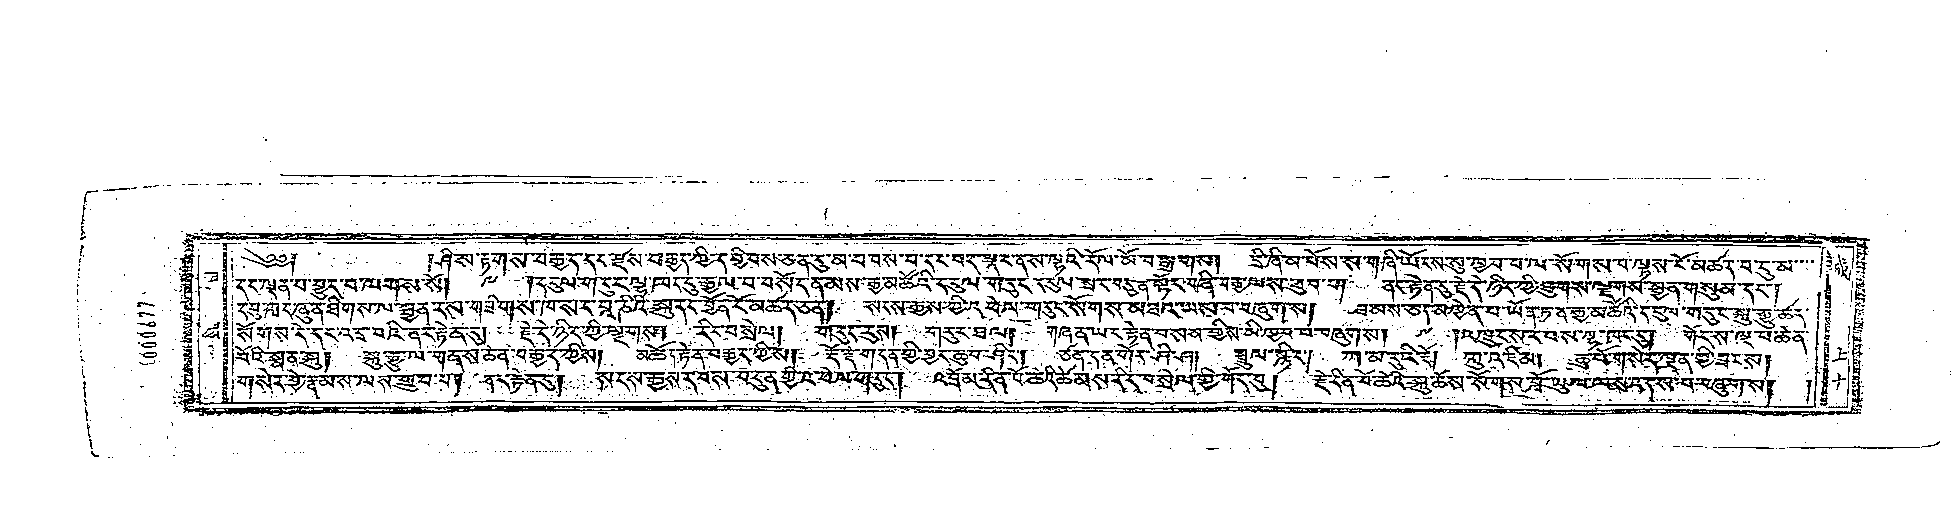༄༅། །ཤིས་རྟགས་བརྒྱད་དང་རྫས་བརྒྱད་ཀྱི་དབྱིབས་ཅན་དུ་མ་བབས་པ་དང་བར་སྣང་ནས་ལྷའི་རོལ་མོ་བསྒྲགས། དྲི་ཞི་མ་པོས་ས་གཞི་ཡོངས་སུ་ཁྱབ་པ་ལ་སོགས་པ་ལྟས་ངོ་མཚར་བ་དུ་མ་
དང་ལྡན་པ་བྱུང་བ་ལགས་སོ། ༧་།དངུལ་གདུང་ལྷ་ཁང་དུ་རྒྱལ་བ་བསོད་ནམས་རྒྱ་མཚོའི་དངུལ་གདུང་དངུལ་སྲང་བདུན་སྟོང་བཞི་བརྒྱ་ལས་གྲུབ་པ། ནང་རྟེན་དུ་རྗེ་དེ་ཉིད་ཀྱི་ཐུགས་ལྗགས་སྤྱན་གསུམ་དང་།
དབུ་ཀླང་ཞུན་ཐིགས་ལ་སྤྱན་རས་གཟིགས་ཁ་སར་པཱ་ཎིའི་སྐུ་རང་བྱོན་ངོ་མཚར་ཅན། སངས་རྒྱས་ཀྱི་འཕེལ་གདུང་སོགས་མཐའ་ཡས་པ་བཞུགས། ཐམས་ཅད་མཁྱེན་པ་ཡོན་ཏན་རྒྱ་མཚོའི་དངུལ་གདུང་སྐུ་རྒྱུ་ཚད་
སོགས་དེ་དང་འདྲ་བའི་ནང་རྟེན་དུ། རྗེ་དེ་ཉིད་ཀྱི་ལྗགས། རིང་བསྲེལ། གདུང་རུས། གདུར་ཐལ། གཞན་ཡང་རྟེན་བསམ་གྱིས་མི་ཁྱབ་པ་བཞུགས། ༧་།འཁུངས་རབས་ལྷ་ཁང་དུ། གོང་ས་ལྔ་པ་ཆེན་
བོའི་སྨན་སྐུ། སྐུ་རྒྱུ་ལ་གནས་ཆེན་བརྒྱད་ཀྱིས། མཆོད་རྟེན་བརྒྱད་ཀྱིས། རྡོ་རྗེ་གདན་གྱི་བྱང་ཆུབ་ཤིང་། ཙན་དན་གོར་ཤི་ཤ། སྦྲུལ་སྙིང་། ཀ་མ་རུའི་རྡོ། ཀླུ་འཇིམ། ཆུ་བོ་གསེར་ལྡན་གྱི་ཟངས།
གསེར་བྱེ་རྣམས་ལས་གྲུབ་པ། ནང་རྟེན་དུ། སངས་རྒྱས་རབས་བདུན་གྱི་འཕེལ་གདུང་། འབྲོམ་རིན་པོ་ཆེའི་ཚེམས་རིང་བསྲེལ་གྱི་གོང་བུ། རྗེ་རིན་པོ་ཆེའི་སྐུ་ཚེས་སོགས་བློ་ཡུལ་ལས་འདས་པ་བཞུགས། །